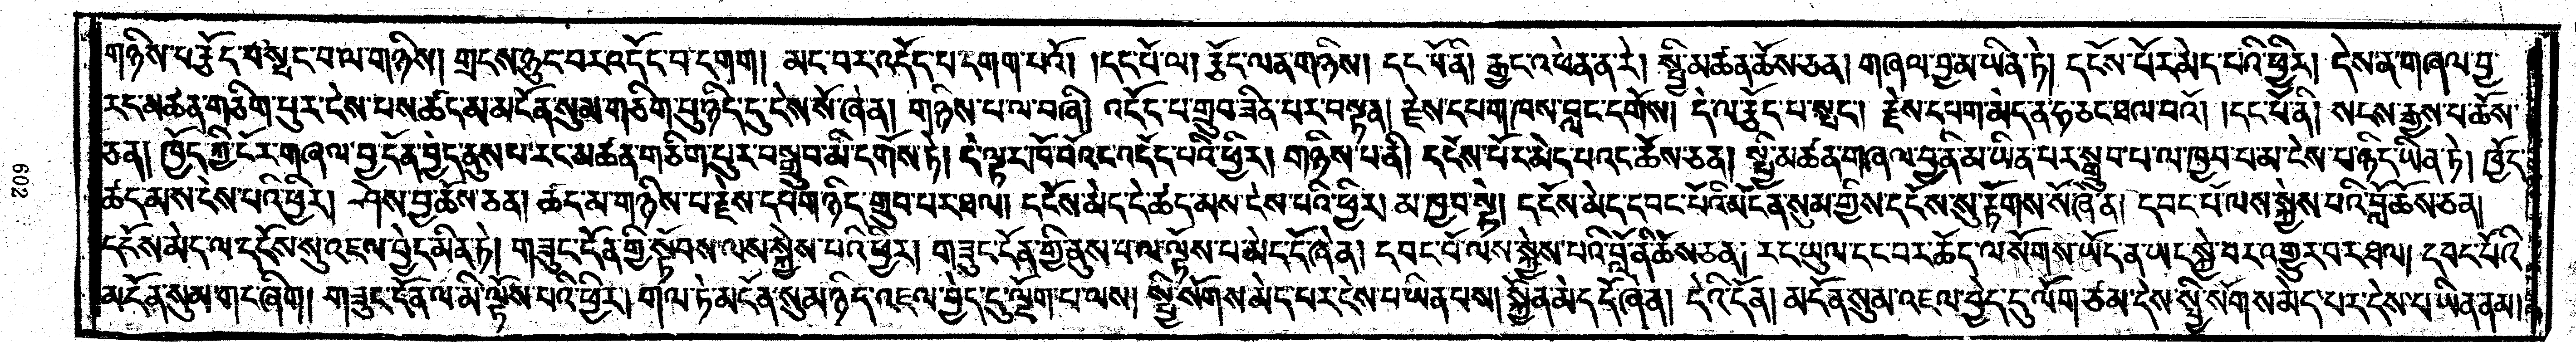གཉིས་པ་རྩོད་པ་སྤང་བ་ལ་གཉིས། གྲངས་ཉུང་བར་འདོད་པ་དགག། མང་བར་འདོད་པ་དགག་པའོ། །དང་པོ་ལ། རྩོད་ལན་གཉིས། དང་པོ་ནི། རྒྱང་འཕེན་ན་རེ། སྤྱི་མཚན་ཆོས་ཅན། གཞལ་བྱ་མ་ཡིན་ཏེ། དངོས་པོར་མེད་པའི་ཕྱིར། དེས་ན་གཞལ་བྱ་
རང་མཚན་གཅིག་པུར་ངེས་པས་ཚད་མ་མངོན་སུམ་གཅིག་པུ་ཉིད་དུ་ངེས་སོ་ཞེ་ན། གཉིས་པ་ལ་བཞི། འདོད་པ་གྲུབ་ཟིན་པར་བསྟན། རྗེས་དཔག་ཁས་བླང་དགོས། དེ་ལ་རྩོད་པ་སྤང་། རྗེས་དཔག་མེད་ན་ཧ་ཅང་ཐལ་བའོ། །དང་པོ་ནི། སངས་རྒྱས་པ་ཆོས་
ཅན། ཁྱོད་ཀྱི་ངོར་གཞལ་བྱ་དོན་བྱེད་ནུས་པ་རང་མཚན་གཅིག་པུར་བསྒྲུབ་མི་དགོས་ཏེ། དེ་ལྟར་ཁོ་བོའང་འདོད་པའི་ཕྱིར། གཉིས་པ་ནི། དངོས་པོར་མེད་པའང་ཆོས་ཅན། སྤྱི་མཚན་གཞལ་བྱ་ནི་མ་ཡིན་པར་སྒྲུབ་པ་ལ་ཁྱབ་པ་མ་ངེས་པ་ཉིད་ཡིན་ཏེ། ཁྱོད་
ཚད་མས་ངེས་པའི་ཕྱིར། ཤེས་བྱ་ཆོས་ཅན། ཚད་མ་གཉིས་པ་རྗེས་དཔག་ཉིད་གྲུབ་པར་ཐལ། དངོས་མེད་དེ་ཚད་མས་དེས་པའི་ཕྱིར། མ་ཁྱབ་སྟེ། དངོས་མེད་དབང་པོའི་མངོན་སུམ་གྱིས་དངོས་སུ་རྟོགས་སོ་ཞེ་ན། དབང་པོ་ལས་སྐྱེས་པའི་བློ་ཆོས་ཅན།
དངོས་མེད་ལ་དངོས་སུ་འཇལ་བྱེད་མིན་ཏེ། གཟུང་དོན་གྱི་སྟོབས་ལས་སྐྱེས་པའི་ཕྱིར། གཟུང་དོན་གྱི་ནུས་པ་ལ་ལྟོས་པ་མེད་དོ་ཞེ་ན། དབང་པོ་ལས་སྐྱེས་པའི་བློ་ནི་ཆོས་ཅན། རང་ཡུལ་དང་བར་ཆོད་ལ་སོགས་ཡོད་ན་ཡང་སྐྱེ་བར་འགྱུར་བར་ཐལ། དབང་པོའི་
མངོན་སུམ་གང་ཞིག། གཟུང་དོན་ལ་མི་ལྟོས་པའི་ཕྱིར། གལ་ཏེ་མངོན་སུམ་ཉིད་འཇལ་བྱེད་དུ་ལྡོག་པ་ལས། སྤྱི་སོགས་མེད་པར་ངེས་པ་ཡིན་པས། སྐྱོན་མེད་དོ་ཞེ་ན། དེའི་དོན། མངོན་སུམ་འཇལ་བྱེད་དུ་ལོག་ཙམ་དེས་སྤྱི་སོགས་མེད་པར་དེས་པ་ཡིན་ནམ།